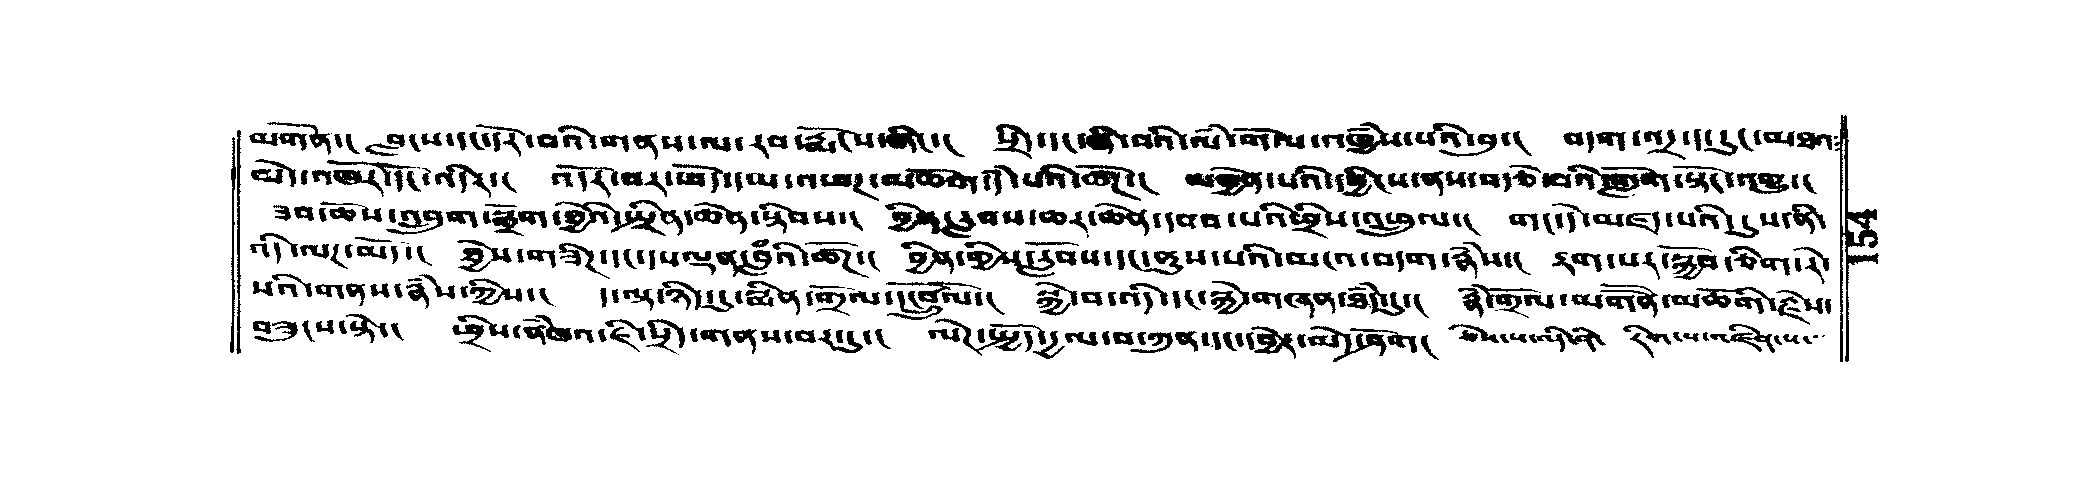མགོན། །བླང་དང་དོར་བའི་གནས་ལ་རབ་རྨོངས་ཞིང་། །སྲིད་དང་ཞི་བའི་ལམ་འཁྱམས་པའི་བུ། །བདག་འདྲ་ད་དུང་མཐའ་
མེད་འཁོར་དོང་འདིར། །འདོར་བར་ཕོད་དམ་འཕགས་མཆོག་དམ་པའི་ཚོགས། །མཁྱེན་པའི་དབྱིངས་ནས་བརྩེ་བའི་གློག་སྟོང་འགྱུ། །
ཟབ་ཆོས་འབྲུག་སྒྲོག་ཐུགས་རྗེའི་སྤྲིན་ཆེན་སྟིབས། །བྱིན་རླབས་ཆར་ཆེན་དབབ་པའི་ཕྲིན་ལས་འཕྲུལ། །གང་དེ་མཛད་པའི་དུས་ནི་
འདི་ལགས་མོད། །ཐུགས་རྗེ་གཟིགས་དང་དཔལ་ལྡན་བླ་མའི་ཚོགས། །བྱིན་གྱིས་རློབས་དང་ནུས་པའི་མངའ་བདག་རྣམས། །རྟག་པར་སྐྱོབས་ཤིག་རེ་
སའི་གནས་རྣམས་ཀྱིས། །ད་ལྟ་ཉིད་དུ་སྨིན་གྲོལ་དངོས་གྲུབ་སྩོལ། །སྐྱེ་བ་འདི་དང་སྐྱེ་གཞན་ཐམས་ཅད་དུ། །རྣམ་གྲོལ་མགོན་པོ་མཆོག་གི་རྗེས་
བཟུང་ཏེ། །ཕྲིན་ལས་ནམ་མཁའ་ཇི་སྲིད་གནས་བར་དུ། །ལེགས་སྤྱོད་རྒྱལ་བ་ཀུན་དང་དབྱེར་མེད་ཤོག ཅེས་པ་འདི་ནི། རིག་པ་འཛིན་པ་